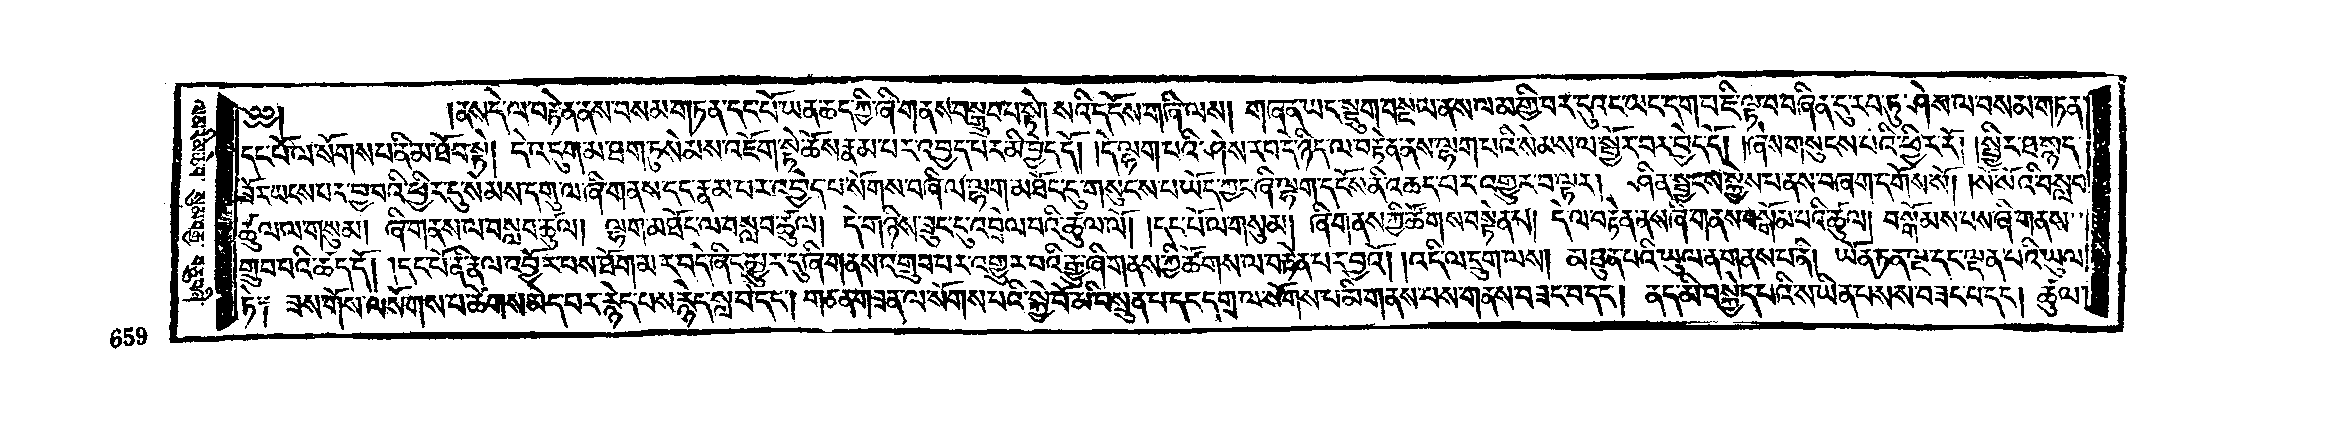༄༅། །ནས་དེ་ལ་བརྟེན་ནས་བསམ་གཏན་དང་པོ་ཡན་ཆད་ཀྱི་ཞི་གནས་བསྒྲུབ་པ་སྟེ། སའི་དངོས་གཞི་ལས། གཞན་ཡང་སྡུག་བསྔལ་ནས་ལམ་གྱི་བར་དུའང་ཡང་དག་བ་ཇི་ལྟ་བ་བཞིན་དུ་རབ་ཏུ་ཤེས་ལ་བསམ་གཏན་
དང་པོ་ལ་སོགས་པ་ནི་མ་ཐོབ་སྟེ། དེ་འདུག་མ་ཐག་ཏུ་སེམས་འཇོག་སྟེ་ཆོས་རྣམ་པར་འབྱེད་པར་མི་བྱེད་དོ། །དེ་ལྷག་པའི་ཤེས་རབ་དེ་ཉིད་ལ་བརྟེན་ནས་ལྷག་པའི་སེམས་ལ་སྦྱོར་བར་བྱེད་དོ། །ཞེས་གསུངས་པའི་ཕྱིར་རོ། །སྤྱིར་ཐ་སྙད་
ཟོར་ཡངས་པར་བྱ་བའི་ཕྱིར་དུ་སེམས་དགུ་ལ་ཞི་གནས་དང་རྣམ་པར་འབྱེད་པ་སོགས་བཞི་ལ་ལྷག་མཐོང་དུ་གསུངས་པ་ཡོད་ཀྱང་ཞི་ལྷག་དངོས་ནི་འཆད་པར་འགྱུར་བ་ལྟར། ཤིན་སྦྱངས་སྐྱེས་པ་ནས་བཞག་དགོས་སོ། །སོ་སོའི་བསླབ་
ཚུལ་ལ་གསུམ། ཞི་གནས་ལ་བསླབ་ཚུལ། ལྷག་མཐོང་ལ་བསླབ་ཚུལ། དེ་གཉིས་ཟུང་དུ་འབྲེལ་བའི་ཚུལ་ལོ། །དང་པོ་ལ་གསུམ། ཞི་གནས་ཀྱི་ཚོགས་བསྟེན་པ། དེ་ལ་བརྟེན་ནས་ཞི་གནས་བསྒོམ་པའི་ཚུལ། བསྒོམས་པས་ཞི་གནས་
གྲུབ་པའི་ཚད་དོ། །དང་པོ་ནི་རྣལ་འབྱོར་པས་ཐོག་མར་བདེ་ཞིང་མྱུར་དུ་ཞི་གནས་འགྲུབ་པར་འགྱུར་བའི་རྒྱུ་ཞི་གནས་ཀྱི་ཚོགས་ལ་བརྟེན་པར་བྱའོ། །འདི་ལ་དྲུག་ལས། མཐུན་པའི་ཡུལ་ན་གནས་པ་ནི། ཡོན་ཏན་ལྔ་དང་ལྡན་པའི་ཡུལ་
ཏེ༑ ཟས་གོས་ལ་སོགས་པ་ཚེགས་མེད་པར་རྙེད་པས་རྙེད་སླ་བ་དང་། གཅན་གཟན་ལ་སོགས་པའི་སྐྱེ་བོ་མི་བསྲུན་པ་དང་དགྲ་ལ་སོགས་པ་མི་གནས་པས་གནས་བཟང་བ་དང་། ནད་མི་བསྐྱེད་པའི་ས་ཡིན་པས་ས་བཟང་བ་དང་། ཚུལ་